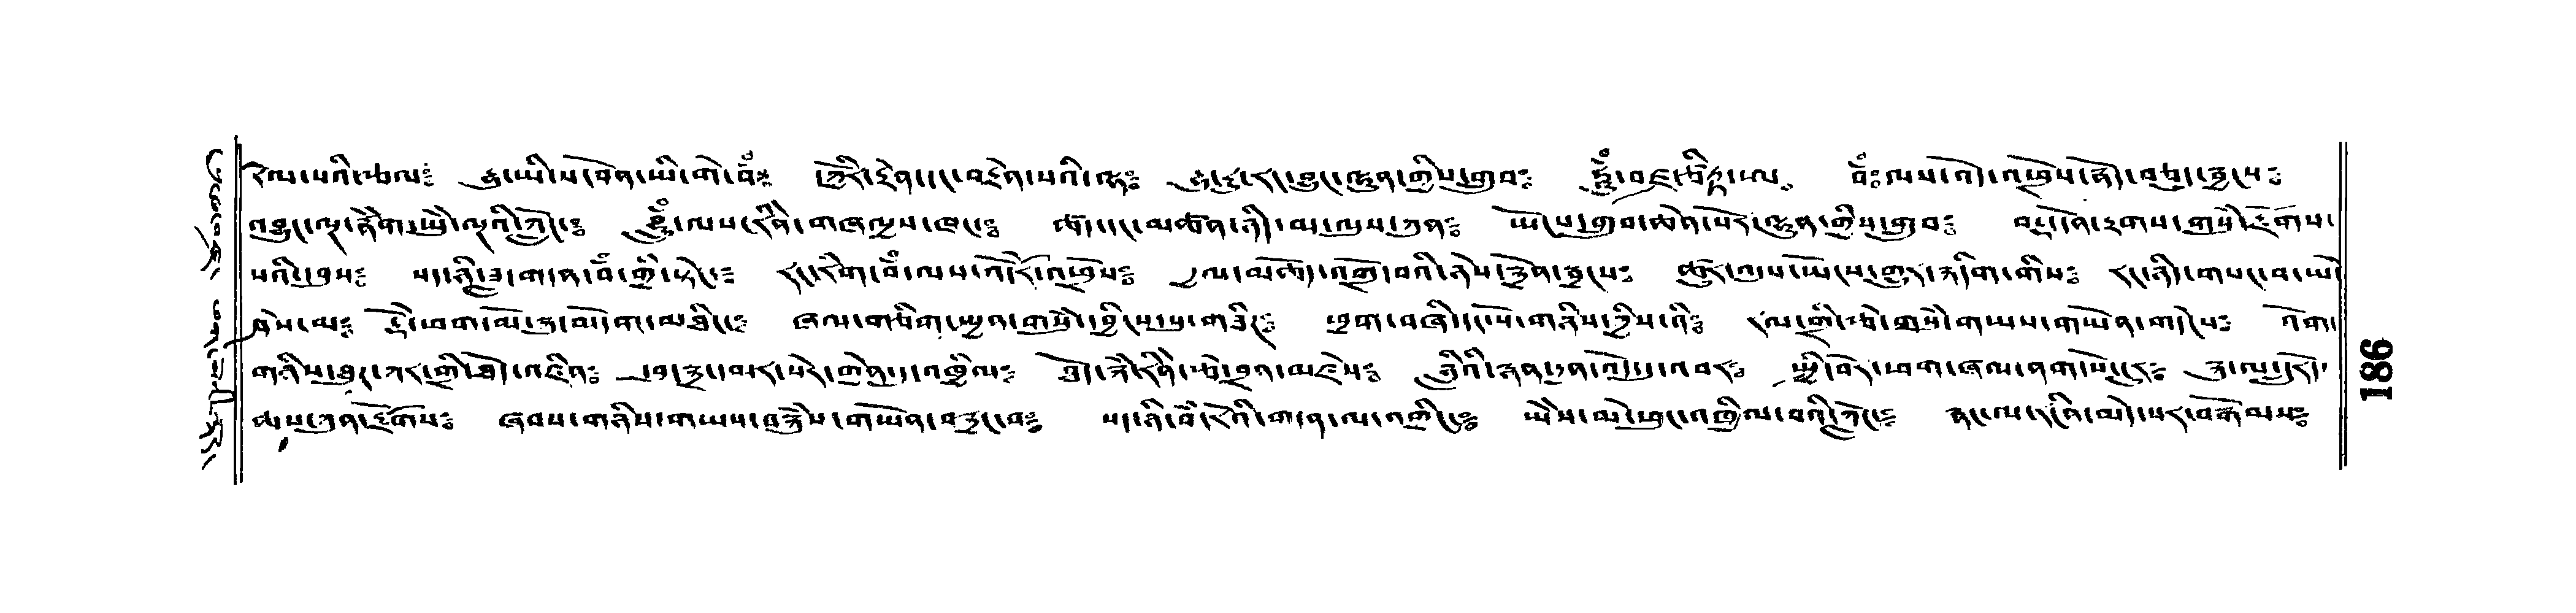རོལ་པའི་རྩལ༔ རྒྱུ་ཡི་ས་བོན་ཡི་གེ་བྃ༔ དཀྱིལ་འཁོར་རྟེན་དང་བརྟེན་པའི་ལྷ༔ རྒྱུ་རུ་རང་བྱུང་ལྷུན་གྱིས་གྲུབ༔ ཧཱུྃ་བཛྲ་ཙིཏྟ་ཨཱཿ བྃཿལས་འོད་འཕྲོས་སྣོད་བཅུད་སྦྱངས༔ 
འབྱུང་ལྔ་རྣམ་དག་ཡུམ་ལྔའི་ཀློང༔ བྷྲཱུྃ་ལས་རིན་ཆེན་གཞལ་ཡས་ཁང༔ ཚད་དང་མཚན་ཉིད་མ་ལུས་ཀུན༔ ཡོངས་གྲུབ་ཆེན་པོར་ལྷུན་གྱིས་གྲུབ༔ བརྡ་དོན་རྟགས་གསུམ་རྫོགས་
པའི་དབུས༔ པད་ཉི་ཟླ་གདན་བྃ་གྱི་སྟེང༔ རང་རིག་བམ་ལས་འོད་ཟེར་འཕྲོས༔ རྒྱལ་མཆོད་འགྲོ་བའི་ཉེས་སྐྱོན་སྦྱངས༔ ཚུར་འདུས་ཡོངས་གྱུར་སྐད་ཅིག་གིས༔ རང་ཉིད་གསང་བ་ཡེ་
ཤེས་མ༔ རྡོ་རྗེ་ཕག་མོ་སྐུ་མདོག་མཐིང༔ ཞལ་གཅིག་སྤྱན་གསུམ་དབྱིངས་སུ་གཟིགས༔ ཕྱག་བཞི་དང་པོ་གཉིས་ཀྱིས་ནི༔ རལ་གྲི་རྩེ་གསུམ་གཡས་གཡོན་གདེངས༔ འོག་
གཉིས་ཐུགས་ཀར་གྲི་ཐོད་འཛིན༔ དབུ་སྐྲ་དམར་སེར་གྱེན་དུ་འཁྱིལ༔ ཐོད་སྐམ་རིན་ཆེན་རྩེ་བྲན་མཛེས༔ ཉི་ཟླའི་སྙན་རྒྱན་འོད་དུ་འབར༔ སྤྱི་བོར་ཕག་ཞལ་ནག་པོ་ངུར༔ སྐུ་ལ་དུར་ཁྲོད་
ཆས་ཀུན་རྫོགས༔ ཞབས་གཉིས་གཡས་བསྐུམ་གཡོན་བརྐྱང་བ༔ པད་ཉི་བམ་རོའི་གདན་ལ་འགྱིང༔ ཡེ་ཤེས་མེ་ཕུང་འཁྱིལ་བའི་ཀློང༔ སྣང་ལ་རང་བཞིན་མེད་པར་བསྒོམས༔